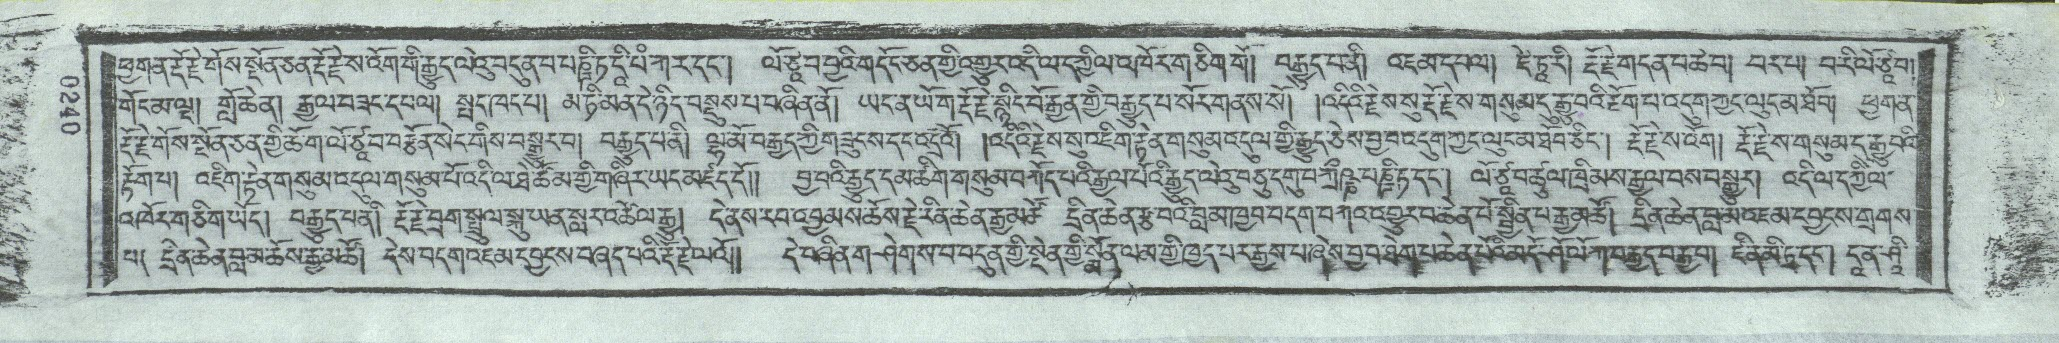ཕྱག་ན་རྡོ་རྗེ་གོས་སྡོན་ཅན་རྡོ་རྗེ་ས་འོག་གི་རྒྱུད་ལེའུ་བདུན་པ་པཎྜི་ཏ་དཱི་པཾ་ཀ་ར་དང་། ལོ་ཙཱ་བ་བྱའི་གདོང་ཅན་གྱི་འགྱུར་འདི་ལ་དཀྱིལ་འཁོར་གཅིག་གོ། བརྒྱུད་པ་ནི། འཇམ་དཔལ། ཛེ་ཏཱ་རི། རྡོ་རྗེ་གདན་པ་ཆེ་བ། བར་པ། བ་རི་ལོ་ཙ་བ།
གོང་མ་ཝ། གློ་ཆེན། རྒྱལ་བཟང་དཔལ། སྤང་ཁང་པ། མ་ཏི་མན་དེ་ཉིད་བསྡུས་པ་བཞིན་ནོ། ཡང་ན་ཡོ་ག་རྡོ་རྗེ་སྙིང་པོ་རྒྱན་གྱི་བརྒྱུད་པ་སོར་གནས་སོ། །འདིའི་རྗེས་སུ་རྡོ་རྗེས་གསུམ་དུ་རྒྱུ་བའི་རྫོགས་པ་འདུག་ཀྱང་ལུང་མ་ཐོབ། ཕྱག་ན་
རྡོ་རྗེ་གོས་སྔོན་ཅན་གྱི་ཆོ་ག་ལོ་ཙཱ་བ་བརྩོན་སེང་གིས་བསྒྱུར་བ། བརྒྱུད་པ་ནི་ལྷ་མོ་བརྒྱད་ཀྱི་གཟུངས་དང་འདྲའོ། །འདིའི་རྗེས་སུ་འཇིག་རྟེན་གསུམ་འདུལ་གྱི་རྒྱུད་ཅེས་བྱ་བ་འདུག་ཀྱང་ལུང་མ་ཐོབ་ཅིང་། རྡོ་རྗེ་ས་འོག། རྡོ་རྗེ་ས་གསུམ་དུ་རྒྱུ་བའི་
རྟོག་པ། འཇིག་རྟེན་གསུམ་འདུལ་གསུམ་པོ་འདི་ལ་ཐེ་ཚོམ་གྱི་གཞིར་ཡང་མཛད་དོ།། བྱ་བའི་རྒྱུད་དམ་ཚིག་གསུམ་བཀོད་པའི་རྒྱལ་པོའི་རྒྱུད་ལེའུ་བཅུ་དགུ་པ་ཀྲྀཥྞ་པཎྜི་ཏ་དང་། ལོ་ཙཱ་བ་ཚུལ་ཁྲིམས་རྒྱལ་བས་བསྒྱུར། འདི་ལ་དཀྱིལ་
འཁོར་གཅིག་ཡོད། བརྒྱུད་པ་ནི། རྡོ་རྗེ་བྲག་སྤྲུལ་སྐུ་ཡན་སླར་འཚེལ་རྒྱུ། དེ་ནས་རབ་འབྱམས་ཆོས་རྗེ་རིན་ཆེན་རྒྱ་མཚོ་དྲིན་ཆེན་ཙ་བའི་བླ་མ་ཁྱབ་བདག་བཀའ་འགྱུར་བ་ཆེན་པོ་སྦྱིན་པ་རྒྱ་མཚོ། དྲིན་ཆེན་བླ་མ་འཇམ་དབྱངས་གྲགས་
པ༑ དྲིན་ཆེན་བླ་མ་ཆོས་རྒྱ་མཚོ། དེས་བདག་འཇམ་དབྱངས་བཞད་པའི་རྡོ་རྗེ་ལའོ།། དེ་བཞིན་གཤེགས་པ་བདུན་གྱི་སྡེན་གྱི་སྨོན་ལམ་གྱི་ཁྱད་པར་རྒྱས་པ་ཞེས་བྱ་བ་ཐེག་པ་ཆེན་པོའི་མདོ་ཤོ་ལོ་ཀ་བརྒྱད་བརྒྱ་བ། ཛི་ན་མི་ཏྲ་དང་། དཱ་ན་ཤཱི་